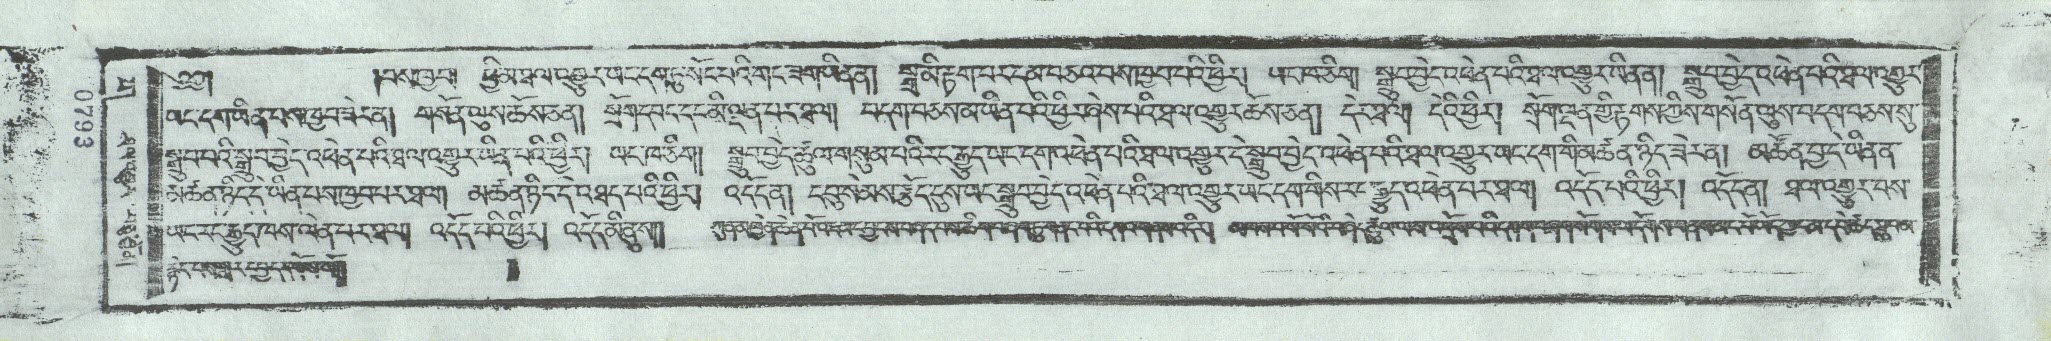༄༅། །བས་ཁྱབ། ཕྱི་མ་ཐལ་འགྱུར་ཡང་དག་ཏུ་སོང་བའི་གང་ཟག་ཡིན་ན། སྒྲ་མི་རྟག་པར་དམ་བཅའ་བས་ཁྱབ་པའི་ཕྱིར། ཡང་ཁ་ཅིག། སྒྲུབ་བྱེད་འཕེན་བའི་ཐལ་འགྱུར་ཡིན་ན། སྒྲུབ་བྱེད་འཕེན་པའི་ཐལ་འགྱུར་
ཡང་དག་ཡིན་པས་ཁྱབ་ཟེར་ན། གསོན་ལུས་ཆོས་ཅན། སྲོག་དབང་དང་མི་ལྡན་པར་ཐལ། བདག་བཅས་མ་ཡིན་པའི་ཕྱིར་ཞེས་པའི་ཐལ་འགྱུར་ཆོས་ཅན། དེར་ཐལ། དེའི་ཕྱིར། སྲོག་ལྡན་གྱི་རྟགས་ཀྱིས་གསོན་ལུས་བདག་བཅས་སུ་
སྒྲུབ་པའི་སྒྲུབ་བྱེད་འཕེན་པའི་ཐལ་འགྱུར་ཡིན་པའི་ཕྱིར། ཡང་ཁ་ཅིག། སྒྲུབ་བྱེད་ཚུལ་གསུམ་པའི་རང་རྒྱུད་ཡང་དག་འཕེན་པའི་ཐལ་འགྱུར་དེ་སྒྲུབ་བྱེད་འཕེན་པའི་ཐལ་འགྱུར་ཡང་དག་གི་མཚན་ཉིད་ཟེར་ན། མཚོན་བྱ་དེ་ཡིན་ན་
མཚན་ཉིད་དེ་ཡིན་པས་ཁྱབ་པར་ཐལ། མཚན་ཉིད་དེ་འཐད་པའི་ཕྱིར། འདོད་ན། དབུ་སེམས་རྩོད་དུས་ཡང་སྒྲུབ་བྱེད་འཕེན་པའི་ཐལ་འགྱུར་ཡང་དག་གིས་རང་རྒྱུད་འཕེན་པར་ཐལ། འདོད་པའི་ཕྱིར། འདོད་ན། ཐལ་འགྱུར་པས་
ཡང་རང་རྒྱུད་ཁས་ལེན་པར་ཐལ། འདོད་པའི་ཕྱིར། འདོད་མི་ནུས། ཀུན་མཁྱེན་ཆེན་པོ་འཇམ་དབྱངས་བཞད་པས་ཚིག་བཞག་ཏུ་གནང་པའི་དཀའ་གནས་འདིར། མཁས་པ་སོ་སོའི་བཞེད་ཚུལ་ལས་འཕྲོས་པའི་དགག་བཞག་སོགས་ལ་དོགས་གནས་མང་པོ་ཡོད་ཀྱང་མ་དཔེ་ཚད་ཐུབ་མ་
རྙེད་པས་སླར་དཔྱད་དགོས་སོ།། །།